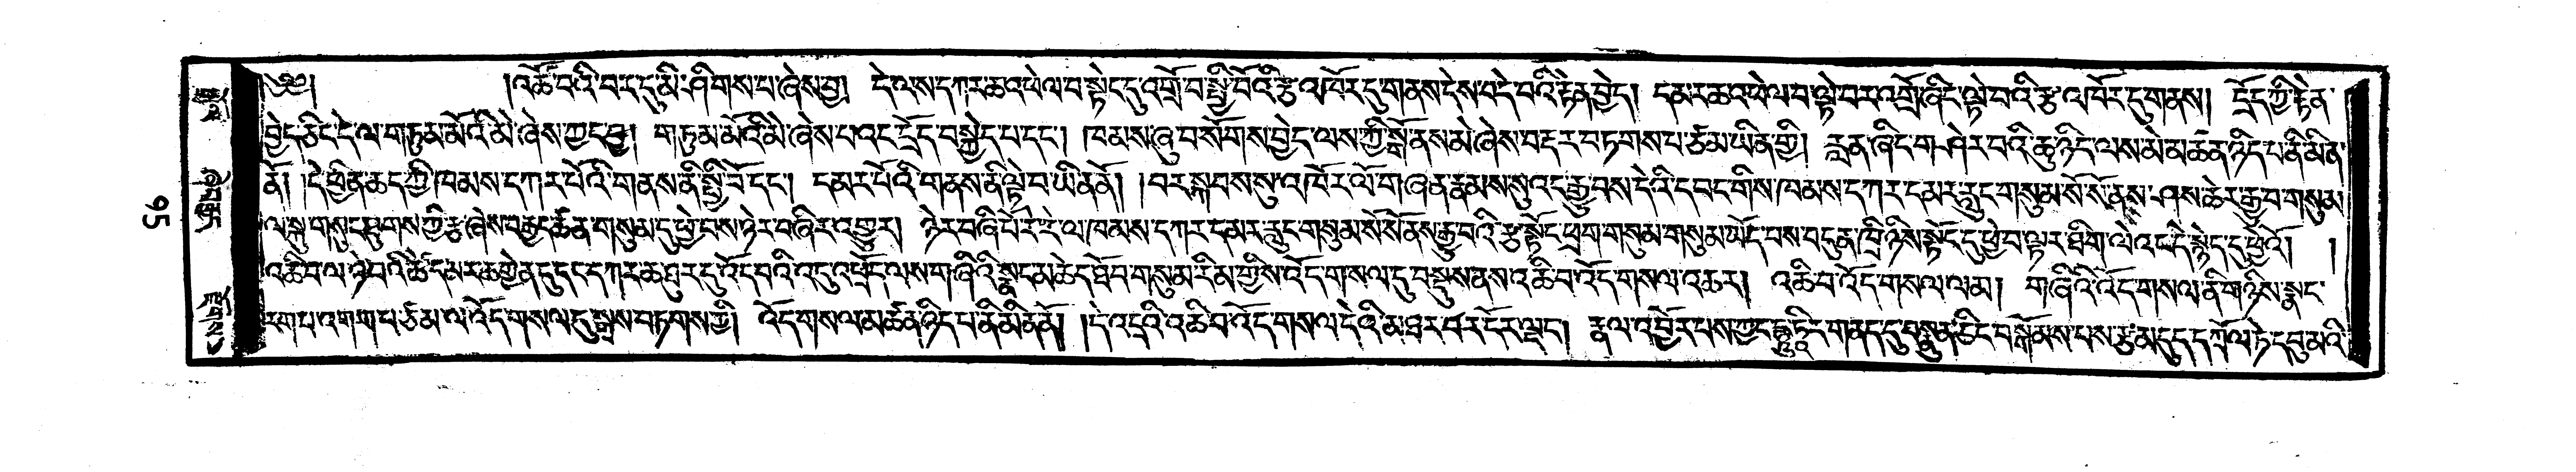༄༅། །འཚོ་བའི་བར་དུ་མི་ཤིགས་པ་ཞེས་བྱ། དེ་ལས་དཀར་ཆ་འཕེལ་བ་སྟེང་དུ་འགྲོ་བ་སྤྱི་བོའི་རྩ་འཁོར་དུ་གནས། དེས་བདེ་བའི་རྟེན་བྱེད། དམར་ཆ་འཕེལ་བ་ལྟེ་བར་འགྲོ་ཞིང་ལྟེ་བའི་རྩ་འཁོར་དུ་གནས། དྲོད་ཀྱི་རྟེན་
བྱེད་ཅིང་དེ་ལ་གཏུམ་མོའི་མེ་ཞེས་ཀྱང་བྱ། གཏུམ་མོའི་མི་ཞེས་པའང་དྲོད་བསྐྱེད་པ་དང་། ཁམས་ཞུ་བ་སོགས་བྱེད་ལས་ཀྱི་སྒོ་ནས་མེ་ཞེས་བརྡར་བཏགས་བ་ཙམ་ཡིན་གྱི། རླན་ཞིང་གཤེར་བའི་ཆུ་ཉིད་ལས་མེ་མཚན་ཉིད་པ་ནི་མིན་
ནོ། །དེ་ཕྱིན་ཆད་ཀྱི་ཁམས་དཀར་པོའི་གནས་ནི་སྤྱི་བོ་དང་། དམར་པོའི་གནས་ནི་ལྟེ་བ་ཡིན་ནོ། །བར་སྐབས་སུ་འཁོར་ལོ་གཞན་རྣམས་སུའང་རྒྱུ་བས་དེའི་དབང་གིས་ཁམས་དཀར་དམར་རླུང་གསུམ་སོ་སོ་ནས་ཤས་ཆེར་རྒྱུ་བ་གསུམ་
ལ་སྐུ་གསུང་ཐུགས་ཀྱི་རྩ་ཞེས་བརྒྱད་ཚན་གསུམ་དུ་ཕྱེ་བས་ཉེར་བཞིར་འགྱུར། ཉེར་བཞི་པོ་རེ་རེ་ལ་ཁམས་དཀར་དམར་རླུང་གསུམ་སོ་སོ་ནས་རྒྱུ་བའི་རྩ་སྟོང་ཕྲག་གསུམ་གསུམ་ཡོད་པས་བདུན་ཁྲི་ཉིས་སྟོང་དུ་ཕྱེ་བ་ལྟར་ཐིག་ལེའང་དེ་སྙེད་དུ་ཕྱེའོ། །
འཆི་བ་ལ་ཉེ་བའི་ཚེ་དམར་ཆ་གྱེན་དུ་དང་དཀར་ཆ་ཐུར་དུ་འོང་བའི་འདུ་འཕྲོད་ལས་གཞིའི་སྣང་མཆེད་ཐོབ་གསུམ་རིམ་གྱིས་འོད་གསལ་དུ་བསྡུས་ནས་འཆི་བ་འོད་གསལ་འཆར། འཆི་བ་འོད་གསལ་ལམ། གཞིའི་འོད་གསལ་ནི་གཉིས་སྣང་
རག་པ་འགག་པ་ཙམ་ལ་འོད་གསལ་དུ་སྒྲས་བཏགས་ཀྱི། འོད་གསལ་མཚན་ཉིད་བ་ནི་མིན་ནོ། །དེ་འདྲའི་འཆི་བ་འོད་གསལ་དེའི་མཐར་བར་དོར་ལྡང་། རྣལ་འབྱོར་བས་ཀྱང་དྷཱུ་ཏཱིར་གནད་དུ་བསྣུན་ཅིང་བསྒོམས་པས་རྩ་མདུད་དཀྲོལ་ཏེ་དབུ་མའི་